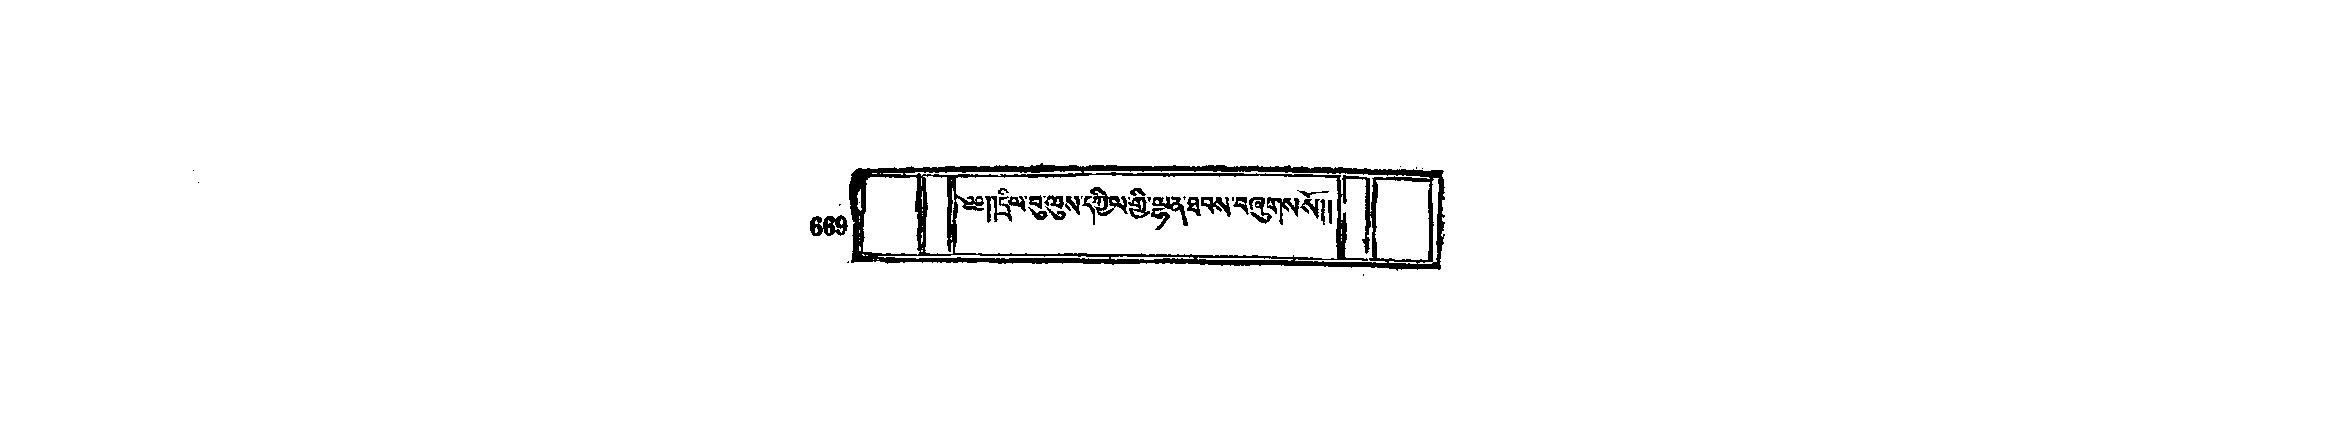༄༅། །དྲིལ་བུ་ལུས་དཀྱིལ་གྱི་ལྷན་ཐབས་བཞུགས་སོ། །